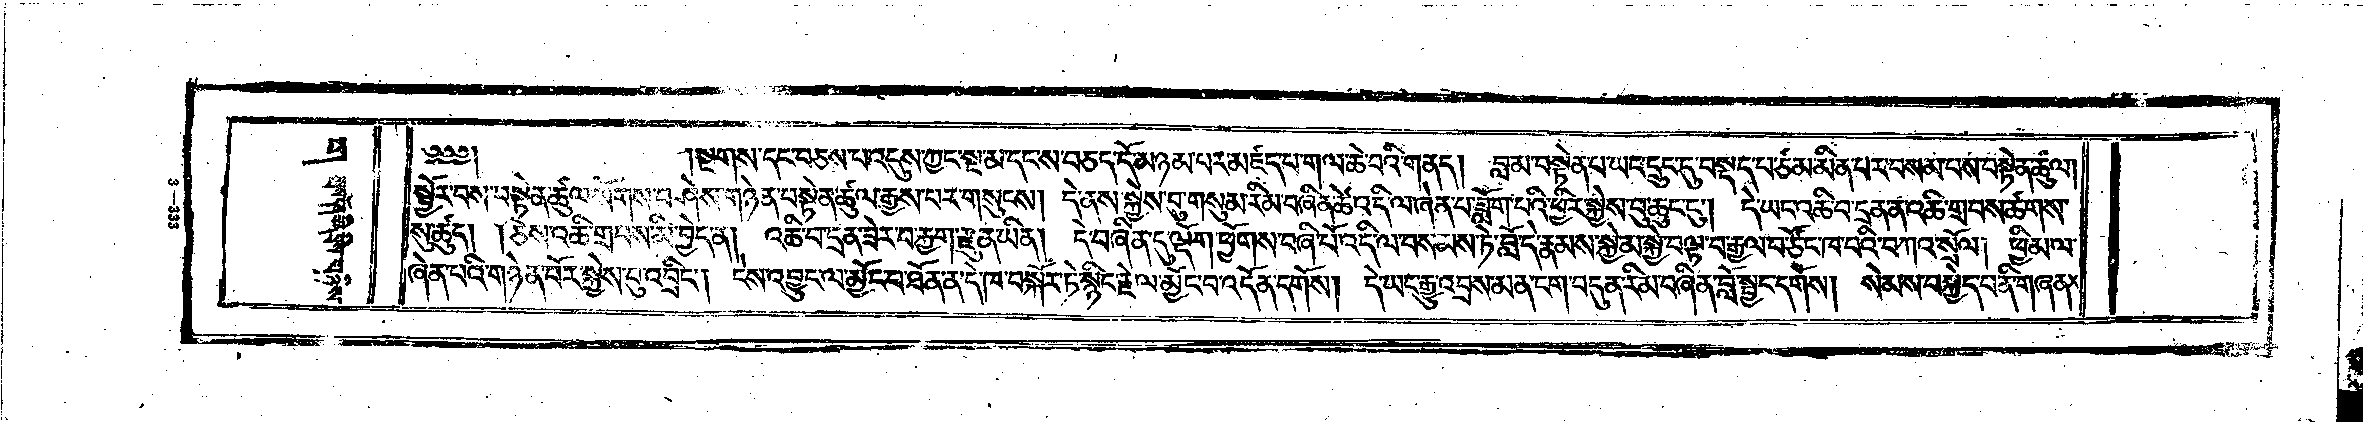༄༅༅། །སྔགས་དང་བཅས་པ་འདུས་ཀྱང་སྔ་མ་དང་ས་བཅད་དོ་མཉམ་པར་མཛད་པ་གལ་ཆེ་བའི་གནད། བླ་མ་བསྟེན་པ་ཡང་དྲུང་དུ་བསྡད་པ་ཙམ་མིན་པར་པས་བསྟེན་ཚུལ།
སྦྱོར་བས་བསྟེན་ཚུལ་སོགས་པ་ཤེས་གཉེན་བསྟེན་ཚུལ་རྒྱས་པར་གསུངས། དེ་ནས་སྐྱེས་བུ་གསུམ་རིམ་བཞིན་ཚེ་འདི་ལ་ཞེན་པ་ཟློག་པའི་ཕྱིར་སྐྱེས་བུ་ཆུང་ངུ། དེ་ཡང་འཆི་བ་དྲང་ན་འཆི་བྲབས་ཚགས་
སུ་ཚུད། །ཅེས་འཆོ་གྲབས་མི་བྱེད་ན། འཆི་པ་དྲན་ཟེར་བ་རྐྱག་རྫུན་ཡིན། དེ་བཞིན་དུ་ལྡོག་ཕྱོག་བཞི་པོ་འདི་ལ་བསམས་ཏེ་བློ་དེ་རྣམ་སྐྱེས་མ་སྐྱེས་བལྟ་བ་རྒྱལ་བ་ཙོང་ཁ་བའི་བཀའ་སྲོལ། ཁྱི་མ་ལ་
ཞེན་པའི་གཉེན་པོར་སྐྱེས་བུ་འབྲིང་། ངེས་འབྱུང་ལ་མྱོང་བ་ཐོན་ན་དེ་ཁ་བསྐོ་ཏེ་སྙིང་རྗེ་ལ་མྱོང་བ་འདོན་དགོས། དེ་ཡང་རྒྱུ་འབྲས་མན་ངག་བདུན་རིམ་བཞིན་བློ་སྦྱངས་དགོས། སེམས་བསྐྱེད་པ་ནི་གཞན྾་